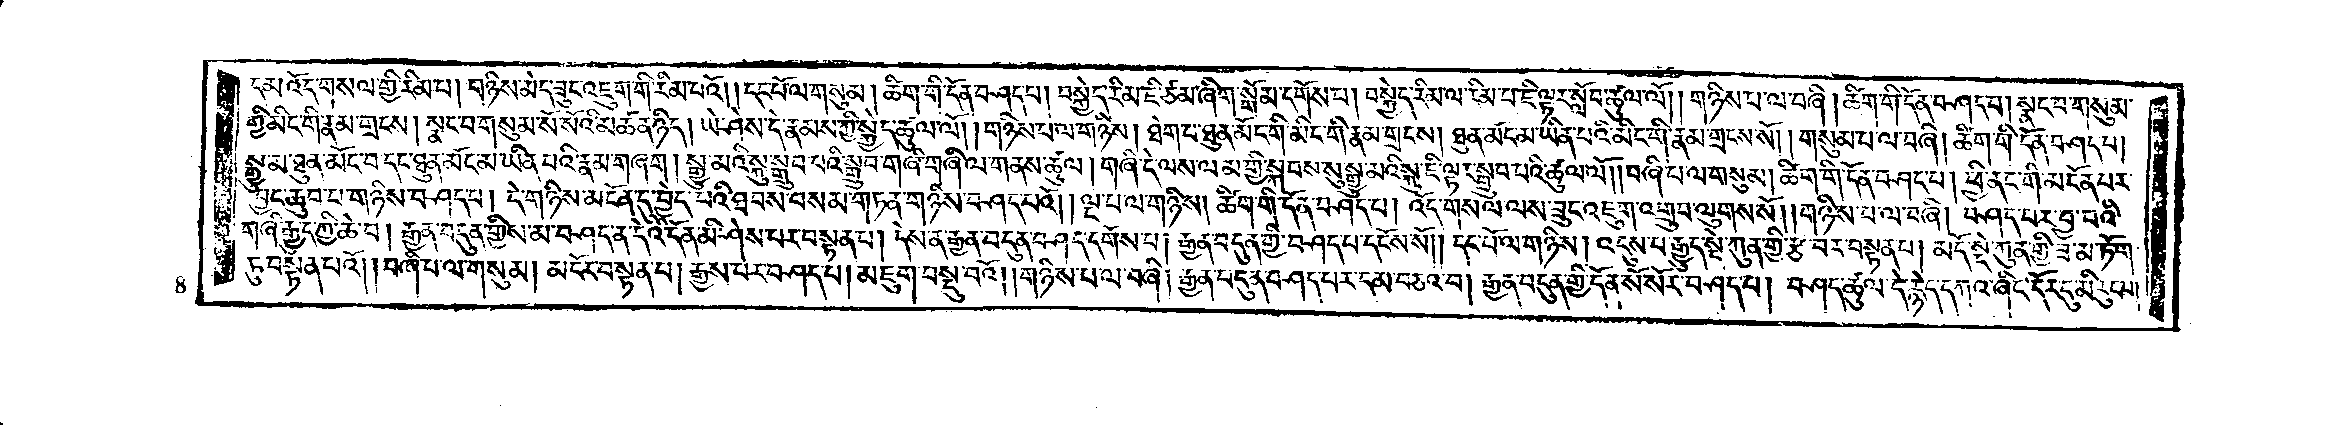དམ་འོད་གསལ་གྱི་རིམ་པ། གཉིས་མེད་ཟུང་འཇུག་གི་རིམ་པའོ། །དང་པོ་ལ་གསུམ། ཚིག་གི་དོན་བཤད་པ། བསྐྱེད་རིམ་ཇི་ཙམ་ཞིག་སྒོམ་དགོས་པ། བསྐྱེད་རིམ་ལ་རིམ་པ་ཇི་ལྟར་སློབ་ཚུལ་ལོ། །གཉིས་པ་ལ་བཞི། ཚིག་གི་དོན་བཤད་པ། སྣང་བ་གསུམ་
གྱི་མིང་གི་རྣམ་གྲངས། སྣང་བ་གསུམ་སོ་སོའི་མཚན་ཉིད། ཡེ་ཤེས་དེ་རྣམས་ཀྱི་སྐྱེད་ཚུལ་ལོ། །གཉིས་པ་ལ་གཉིས། ཐེག་པ་ཐུན་མོང་གི་མིང་གི་རྣམ་གྲངས། ཐུན་མོང་མ་ཡིན་པའི་མིང་གི་རྣམ་གྲངས་སོ། །གསུམ་པ་ལ་བཞི། ཚིག་གི་དོན་བཤད་པ།
སྒྱུ་མ་ཐུན་མོང་བ་དང་ཐུན་མོང་མ་ཡིན་པའི་རྣམ་གཞག །སྒྱུ་མའི་སྐུ་སྒྲུབ་པའི་སྒྲུབ་གཞི་གཞི་ལ་གནས་ཚུལ། གཞི་དེ་ལས་ལམ་གྱི་སྐབས་སུ་སྒྱུ་མའི་སྐུ་ཇི་ལྟར་སྒྲུབ་པའི་ཚུལ་ལོ། །བཞི་པ་ལ་གསུམ། ཚིག་གི་དོན་བཤད་པ། ཕྱི་ནང་གི་མངོན་པར་
བྱང་ཆུབ་པ་གཉིས་བཤད་པ། དེ་གཉིས་མངོན་དུ་བྱེད་པའི་ཐབས་བསམ་གཏན་གཉིས་བཤད་པའོ། །ལྔ་པ་ལ་གཉིས། ཚིག་གི་དོན་བཤད་པ། འོད་གསལ་ལས་ཟུང་འཇུག་འགྲུབ་ལུགས་སོ། །གཉིས་པ་ལ་བཞི། བཤད་པར་བྱ་བའི་
གཞི་རྒྱུད་ཀྱི་ཆེ་བ། རྒྱན་བདུན་གྱིས་མ་བཤད་ན་དེའི་དོན་མི་ཤེས་པར་བསྟན་པ། དེས་ན་རྒྱན་བདུན་བཤད་དགོས་པ། རྒྱན་བདུན་གྱི་བཤད་པ་དངོས་སོ། །དང་པོ་ལ་གཉིས། འདུས་པ་རྒྱུད་སྡེ་ཀུན་གྱི་རྩ་བར་བསྟན་པ། མདོ་སྡེ་ཀུན་གྱི་ཟ་མ་ཏོག་
ཏུ་བསྟན་པའོ། །བཞི་པ་ལ་གསུམ། མདོར་བསྟན་པ། རྒྱས་པར་བཤད་པ། མཇུག་བསྡུ་བའོ། །གཉིས་པ་ལ་བཞི། རྒྱན་བདུན་བཤད་པར་དམ་བཅའ་བ། རྒྱན་བདུན་གྱི་དོན་སོ་སོར་བཤད་པ། བཤད་ཚུལ་དེ་རྙེད་དཀའ་ཞིང་དོར་དུ་མི་རུང་པ།